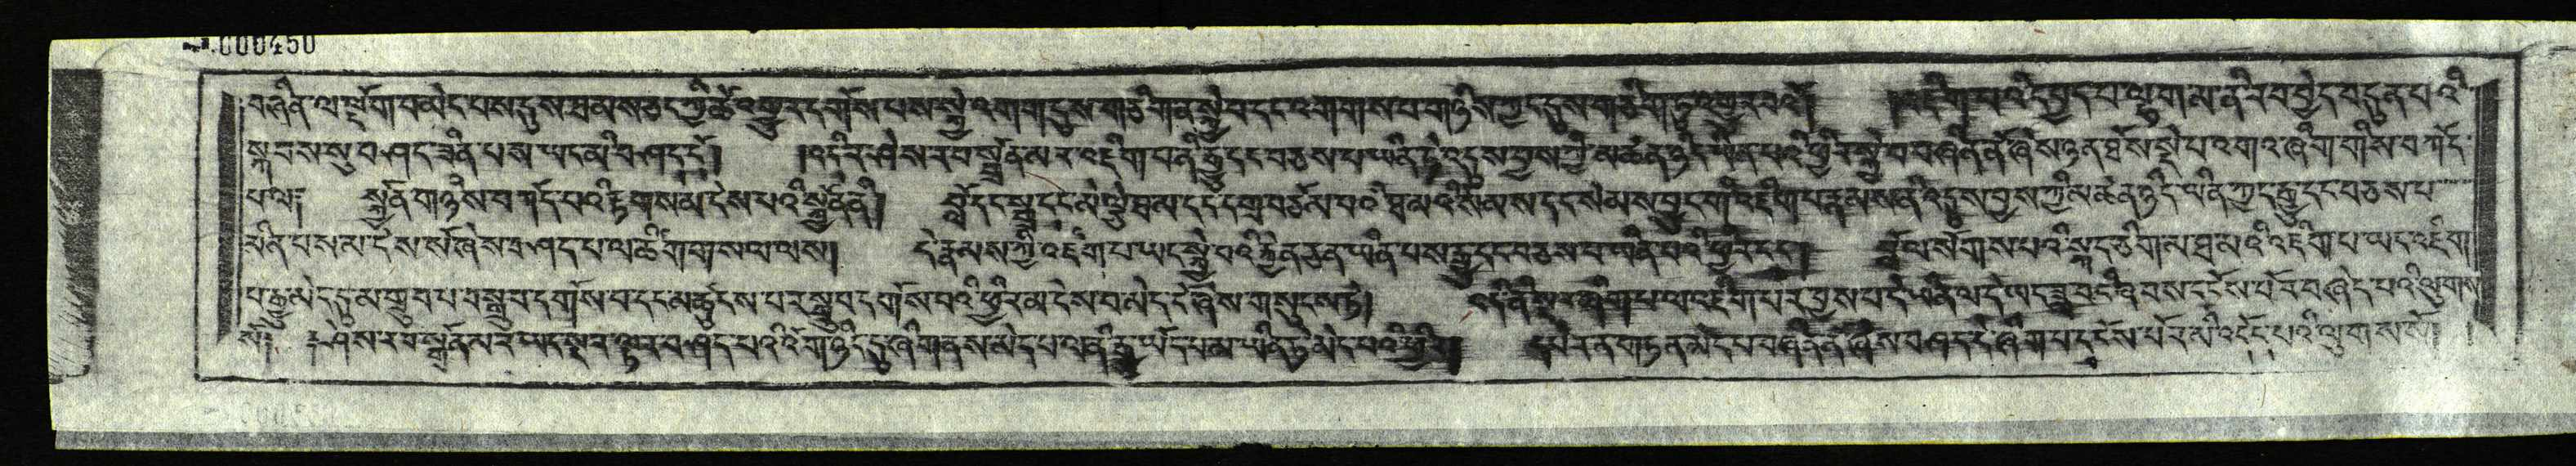བཞིན་ལ་ལྡོག་པ་མེད་པས་དུས་ཐམས་ཅད་ཀྱི་ཚེ་འགྱུར་དགོས་པས་སྐྱེ་འགག་དུས་གཅིག་ན་སྐྱེ་བ་དང་འགགས་པ་གཉིས་ཀྱང་དུས་གཅིག་ཏུ་འགྱུར་བའོ། །འཇིག་པའི་དཔྱད་པ་ལྷག་མ་ནི་རབ་བྱེད་བདུན་པའི་
སྐབས་སུ་བཤད་ཟིན་པས་ཡང་མི་བཤད་དོ། །འདིར་ཤེས་རབ་སྒྲོན་མར་འཇིག་པ་ནི་རྒྱུ་དང་བཅས་པ་ཡིན་ཏེ་འདུས་བྱས་ཀྱི་མཚན་ཉིད་ཡིན་པའི་ཕྱིར་སྐྱེ་བ་བཞིན་ནོ་ཞེས་ཉན་ཐོས་སྡེ་པ་འགའ་ཞིག་གིས་བཀོད་
པ་ལ༑ སྐྱོན་གཉིས་བཀོད་པའི་རྟགས་མ་ངེས་པའི་སྐྱོན་ནི། བློ་དང་སྒྲ་དང་མེ་ལྕེ་ཐ་མ་དང་དགྲ་བཅོམ་པའི་ཐ་མའི་སེམས་དང་སེམས་བྱུང་གི་འཇིག་པ་རྣམས་ནི་འདུས་བྱས་ཀྱི་མཚན་ཉིད་ཡིན་ཀྱང་རྒྱུ་དང་བཅས་པ་
མིན་པས་མ་དེས་སོ་ཞེས་བཤད་པ་ལ་ཚིག་གསལ་ལས། དེ་རྣམས་ཀྱི་འཇིག་པ་ཡང་སྐྱེ་བའི་རྐྱེན་ཅན་ཡིན་པས་རྒྱུ་དང་བཅས་པ་ཡིན་པའི་ཕྱིར་དང་། སྒོ་ལ་སོགས་པའི་སྐད་ཅིག་མ་ཐ་མའི་འཇིག་པ་ཡང་འཇིག་
པ་རྒྱུ་མེད་དུ་མ་གྲུབ་པ་བསྒྲུབ་དགོས་པ་དང་མཚུངས་པར་སྒྲུབ་དགོས་པའི་ཕྱིར་མ་ངེས་པ་མེད་དོ་ཞེས་གསུངས་ཏེ། འདི་ནི་སྔར་ཞིག་པ་ལ་འཇིག་པར་བྱས་པ་དེ་ཡིན་ལ་དེ་ཡང་ཟླ་བའི་ཞབས་དངོས་པོར་བཞེད་པའི་ལུགས་
སོ༑ ༑ཤེས་རབ་སྒྲོན་མར་ཡང་སྔར་ལྟར་བཤད་པའི་འོག་ཉིད་དུ་ཞི་གནས་མེད་པ་ལ་ནི་རྒྱུ་ཡོད་པ་མ་ཡིན་ཏེ་མེད་པའི་ཕྱིར། དཔེར་ན་གཏན་མེད་པ་བཞིན་ནོ་ཞེས་བཤད་དེ་ཞིག་པ་དངོས་པོར་མི་འདོད་པའི་ལུགས་སོ། །